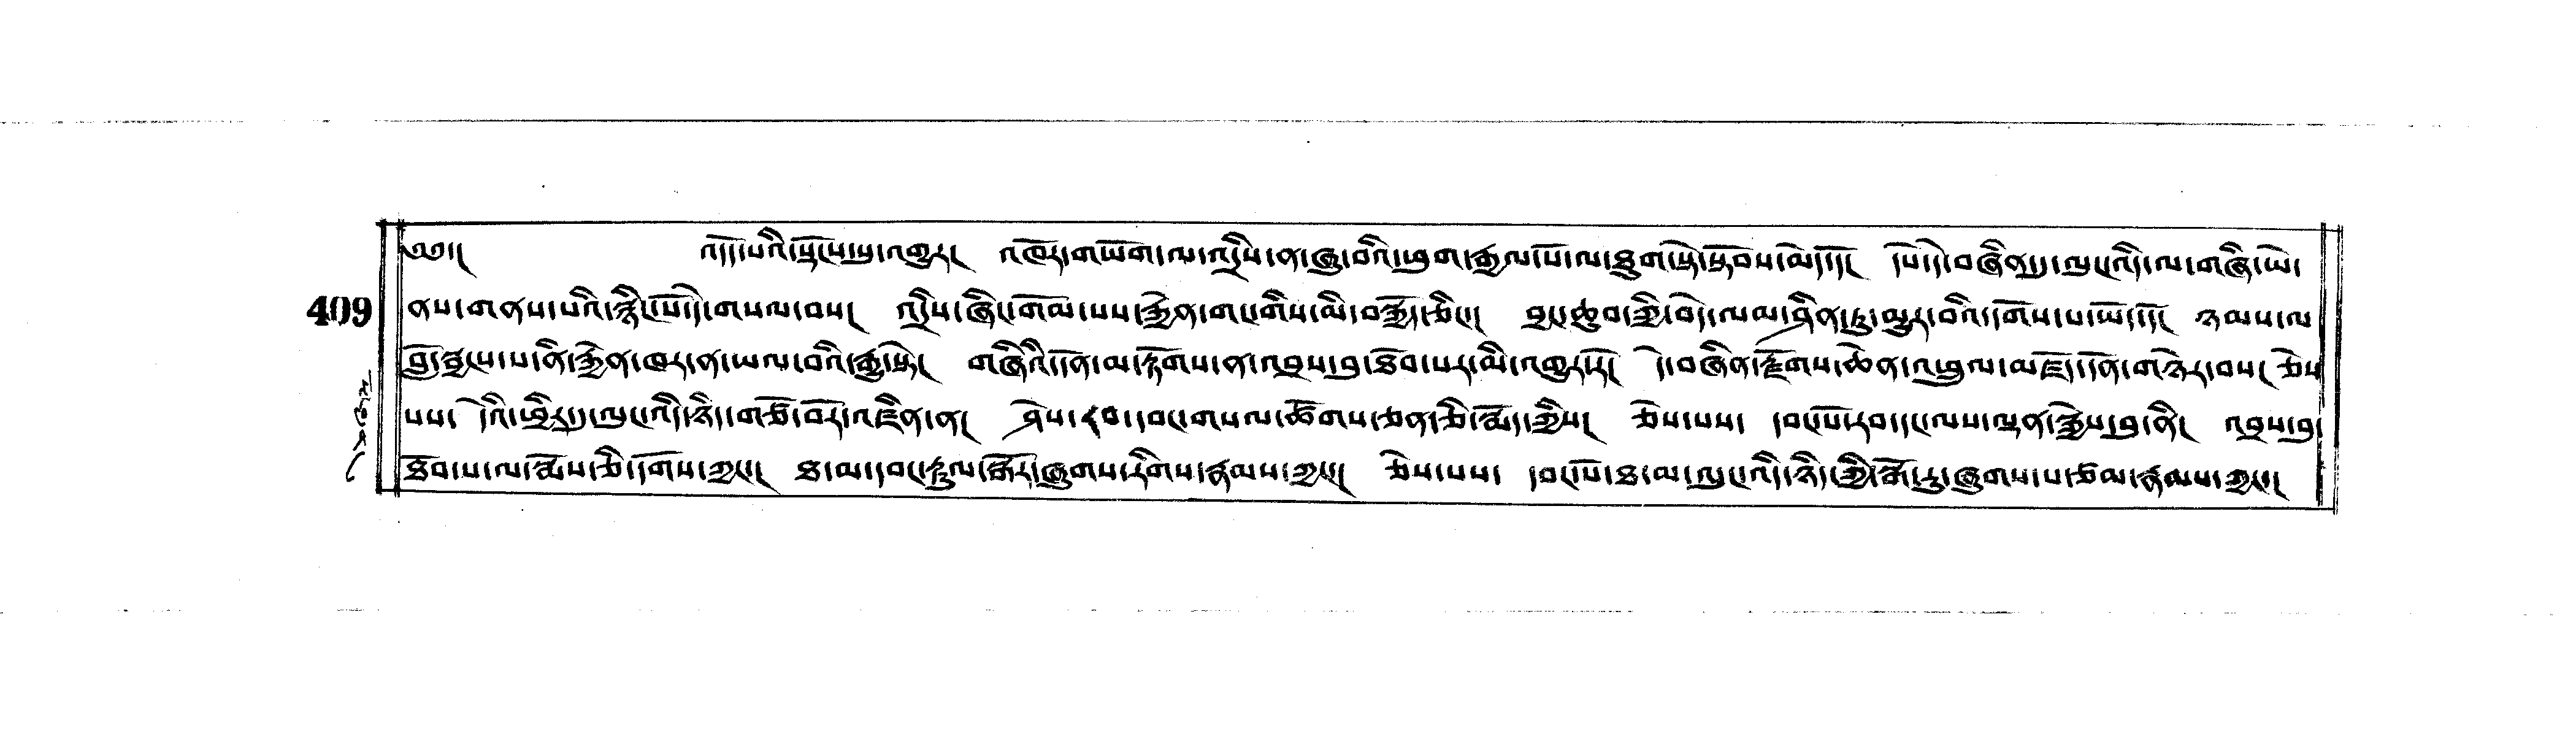འདོད་པའི་སྡོངས་སུ་འགྱུར། འཁོར་གཡོག་ལ་འདྲིས་ན་ཞུ་བའི་ཕུག་རྒྱལ་པོ་ལ་ཐུག་སྟེ་སྟོབས་མེད་དོ། དཔེ་དེ་བཞིན་དུ་ལུང་འདི་ལ་གཞི་ཡེ་
ནས་གནས་པའི་སྙིང་པོ་དེ་གསལ་བས། འདྲིས་ཞིང་གོམས་པས་རྐྱེན་གང་གིས་མི་བསྐྱོད་ཅིང་། བྱང་ཆུབ་ཀྱི་བདེ་ལམ་ཤིན་ཏུ་མྱུར་བའི་དགོས་པ་ཡོད་དོ། ཉམས་ལ་
བློ་སྦྱངས་པ་ནི་རྐྱེན་ཁར་ན་ཡལ་བའི་རྒྱུ་སྟེ། གཞིའི་དོན་མ་རྟོགས་ན་འབྲས་བུ་འཐོབ་པར་མི་འགྱུར་རོ། དེ་བཞིན་རྫོགས་ཆེན་འཕྲུལ་མཛོད་དོན་གཉེར་བས། ཅེས་
པས། དེའི་ཕྱིར་ན་ལུང་འདི་ཉིད་གཙོ་བོར་འཛིན་ན། ཤེས་རབ་དབང་གསལ་ཚོགས་ཅན་ཅི་སྨོས་ཀྱིས། ཅེས་པས། དབང་པོ་རབ་དང་ལས་ལྡན་སྐྱེས་བུ་ནི། འབྲས་བུ་
ཐོབ་པ་ལ་སྨོས་ཅི་དགོས་ཀྱང་། ཐ་མ་དབང་རྟུལ་སྒོར་ཞུགས་རིགས་རྣམས་ཀྱང་། ཅེས་པས། དབང་པོ་ཐ་མ་ལུང་འདི་ཉིད་ཀྱི་སྒོ་རུ་ཞུགས་པ་ཙམ་རྣམས་ཀྱང་།